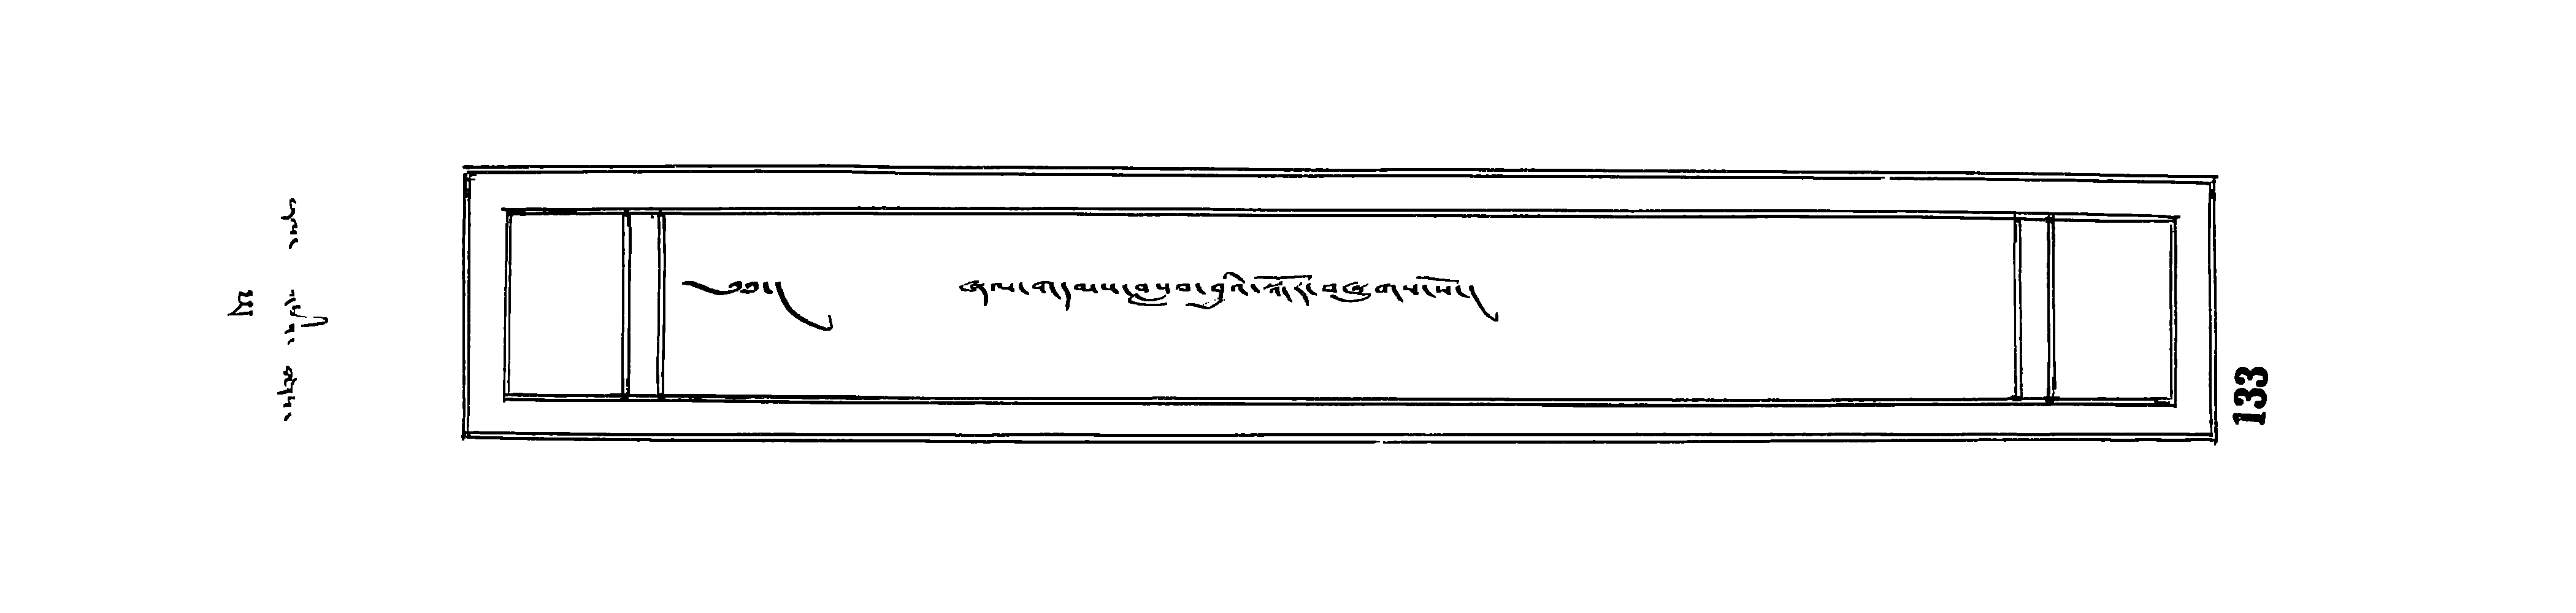༄༅། ཞལ་གདམས་བསླབ་བྱའི་སྐོར་བཞུགསསོ།